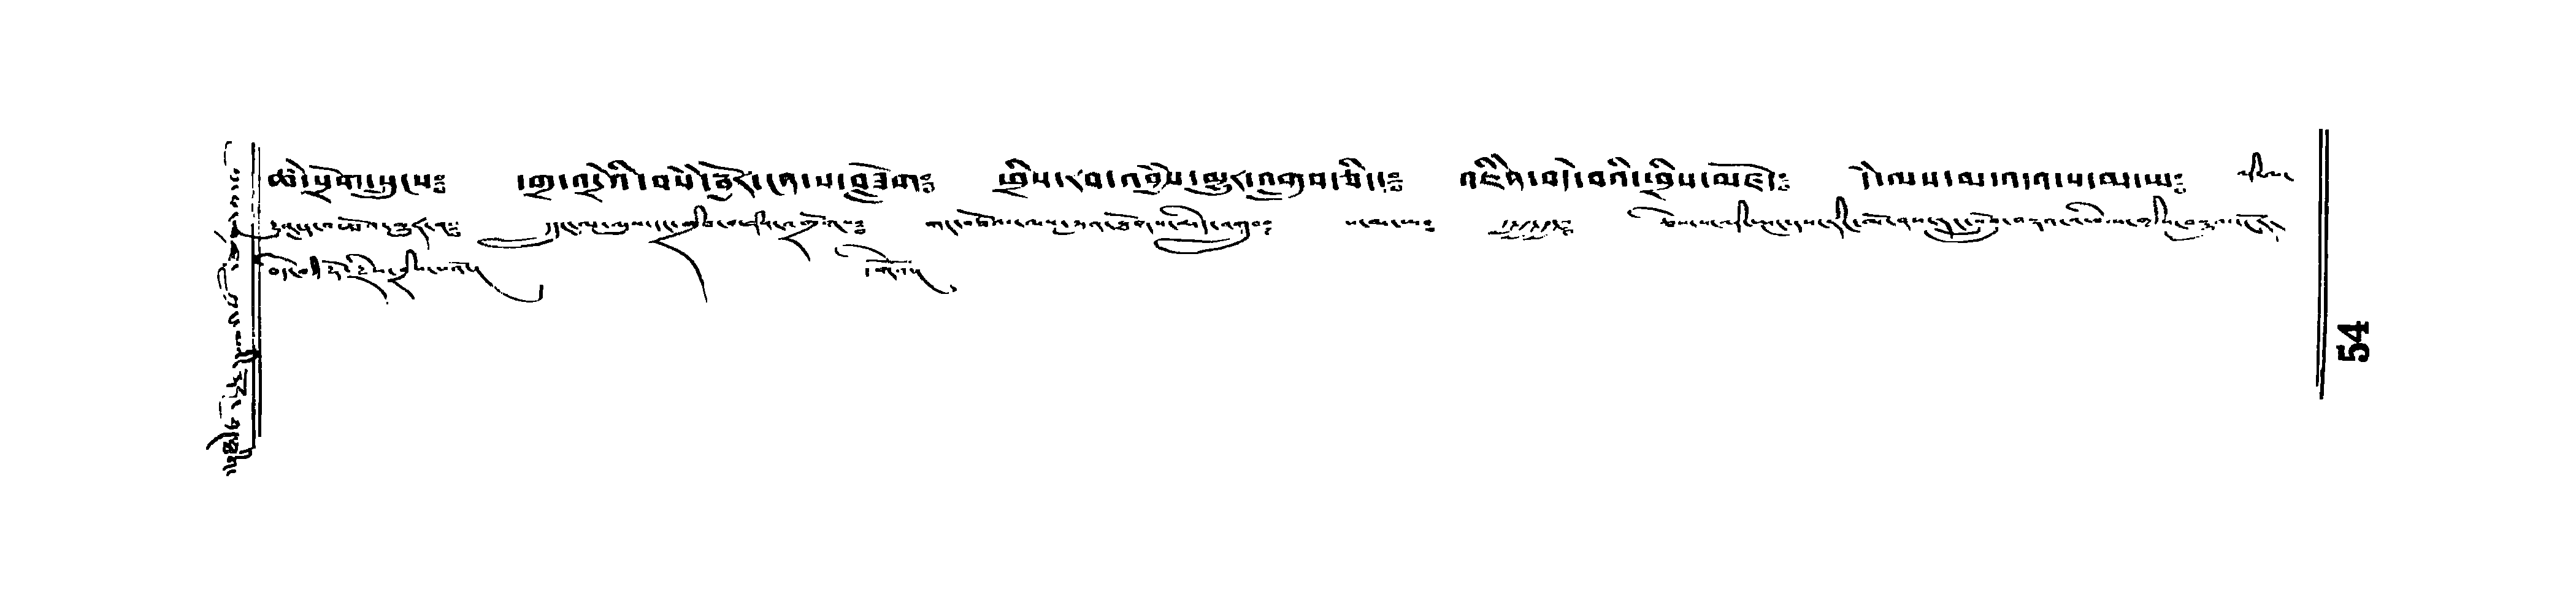ཚེ་སྲོག་སྲུངས༔ དགྲ་འདྲེའི་བསམ་སྦྱོར་ངན་པ་བཟློག༔ ཕྲིན་ལས་རབ་འབྱམས་མྱུར་འགྲུབ་ཅིང༔ འཇིག་བརྟེན་བདེ་བའི་ཕྲིན་ལས་མཛོད༔ དམ་ལས་མ་འདའ་ས་མ་ཡ༔ འདི་ལ་
རྒྱུན་དུ་བརྩོན་གྱུར་ན༔ སྲུུང་མ་ལུས་དང་གྲིབ་གཞིན་འགྲོགས༔ གང་བཅོལ་ལས་ཀུན་ཐོགས་མེད་འགྲུབ༔ ས་མ་ཡ༔ རྒྱ་རྒྱ་རྒྱ༔ ཅེས་པ་འདི་ཡང་དུས་རིང་མོ་ནས་རང་སློབ་བསྟན་འཕེལ་གྱིས་བསྐུལ་ངོར་
བདེ་བའི་རྡོ་རྗེས་བྲིས་པའོ།། དགེའོ།།